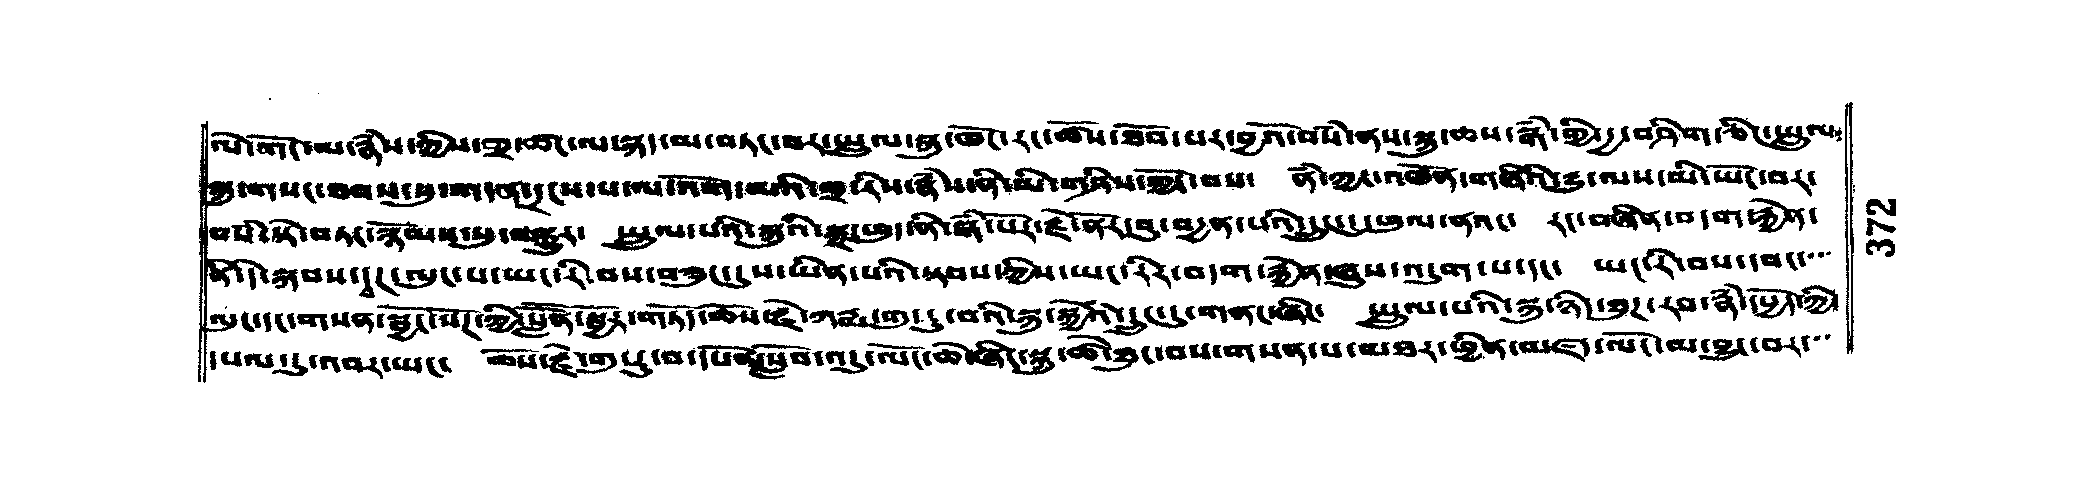ལེ་གོང་མ་རྣམས་ཀྱིས་གྲྭ་ཚང་ལ་སྐད་མ་བཏང་བར་སྤྲུལ་སྐུ་ཁོང་རང་ཚོས་ཐོབ་པར་བྱའོ་བསམ་ནས་སྐུ་ཆས་སྒམ་གྱི་རྒྱ་བཤིག་ཅིང་སྤྲུལ་
སྐུ་གསང་ཐབས་སུ་གདན་དྲངས་པ་ལ་འོག་མའི་གྲྭ་རིགས་རྣམས་ནི་མི་གཤིས་གྱོང་བས། ནམ་ཀྱང་འཁོན་གཞིའི་རྒྱུ་ལས་མི་ཡོང་བར་
བསམ་སྟེ་བཏང་སྙོམས་སུ་བསྒྱུར། སྤྲུལ་པའི་སྐུའི་སྐྲ་ཕུད་ནི་སྒམ་པོར་རྗེ་ནོར་བུ་བརྒྱན་པའི་དྲུང་དུ་ཕུལ་ནའང་། རང་བཞིན་བདག་རྐྱེན་
ནི་དེ་སྐབས་དྭགས་ལུང་པ་ཡང་རི་བས་བཟུང་དུས་ཡིན་པའི་སྟབས་ཀྱིས་ཡང་རིར་བདག་རྐྱེན་ཞུས་འདུག་པ་དང་། ཡང་རི་བས་དབང་
ལུང་དང་གསན་སྦྱོང་སོགས་ཀྱི་སློབ་དཔོན་སྦྱོར་གཏོད་ཆོས་རྗེ་ཀརྨ་གུ་རུ་བའི་སྐུ་སྐྱེའི་དྲུང་དུ་གནང་ཞིང་། སྤྲུལ་པའི་སྐུ་ཉིད་ཐུགས་རབ་རྣམ་དཔྱོད་ཀྱི་
དཔལ་དུ་འབར་ཡང་། ཆོས་རྗེ་གུང་རུ་བ་དཔོན་སློབ་འདུ་ལོང་ཆེ་ཞིང་སྐུ་ཚེ་ཐུང་བས་གསན་པ་མཐར་ཕྱིན་མཛད་ལོང་མ་བྱུང་བར་